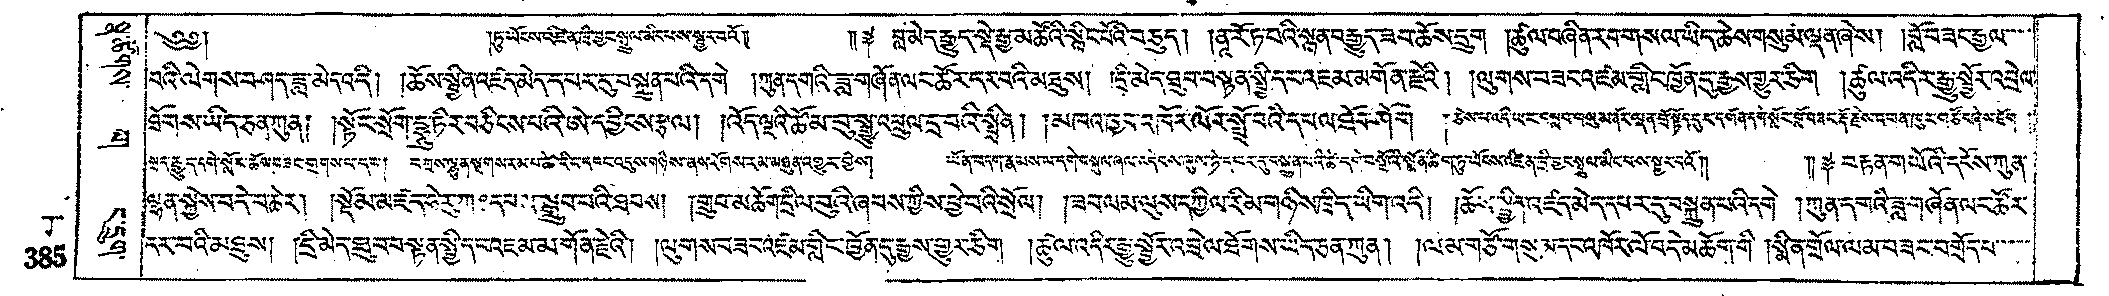༄༅། །ཏུ་ཡོངས་འཛིན་ཁྲི་བྱང་སྤྲུལ་མིང་པས་སྦྱར་བའོ།། །། འ་བླ་མེད་རྒྱུད་སྡེ་རྒྱ་མཚོའི་སྙིང་པོའི་བཅུད། །ནཱ་རོ་ཏ་པའི་སྙན་བརྒྱུད་ཟབ་ཆོས་དྲུག །ཚུལ་བཞིན་རབ་གསལ་ཡིད་ཆེས་གསུམ་ལྡན་ཞེས། །བློ་བཟང་རྒྱལ་་་
བའི་ལེགས་བཤད་ཟླ་མེད་འདི། །ཆོས་སྦྱིན་འཛད་མེད་དཔར་དུ་བསྐྲུན་པའི་དགེ །ཀུན་དགའི་ཟླ་གཞོན་ལང་ཚོར་དར་བའི་མཐུས། །དྲི་མེད་ཐུབ་བསྟན་སྤྱི་དང་འཇམ་མགོན་རྗེའི། །ལུགས་བཟང་འཛམ་གླིང་ཁྱོན་དུ་རྒྱས་གྱུར་ཅིག །ཚུལ་འདིར་རྒྱུ་སྦྱོར་འབྲེལ་
ཐོགས་ཡིད་ཅན་ཀུན། །སྟོང་སྲོག་དྷཱུ་ཏིར་བཅིངས་པའི་ཨེ་དབྱིངས་རྩལ། །འོད་ལྔའི་ཚོམ་བུ་སྒྱུ་འཕྲུལ་དྲ་བའི་སྤྲིན། །མཁའ་ཁྱབ་འཁོར་ལོར་སྤྲོ་བའི་དཔལ་ཐོབ་ཤོག །ཅེས་པ་འདི་ཡང་བསླབ་གསུམ་ནོར་ལྡན་གྲོ་སྟོད་དུང་དགོན་དགེ་སློང་བློ་བཟང་རྡོ་རྗེས་འགན་ཁུར་གཙོ་བཞེས་ཐོག །
སྲད་རྒྱུད་དགེ་སློང་ཆོས་བཟང་གྲགས་པ་དང་། བཀྲས་ལྷུན་སྔགས་རམ་པ་ཚེ་རིང་དབང་འདུས་གཉིས་ནས་རོགས་རམ་མཐུན་འགྱུར་གྱིས། ཡོན་བདག་རྣམས་ལ་དགེ་བསྐུལ་ཞལ་འདེབས་ཞུས་ཏེ་དཔར་དུ་བསྐྲུན་པའི་ཚེ་དགེ་བསྔོའི་སྨོན་ཚིག་ཏུ་ཡོངས་འཛིན་ཁྲི་བྱང་སྤྲུལ་མིང་པས་སྦྱར་བའོ།། །། འ་བརྟན་གཡོའི་དངོས་ཀུན་
ལྷན་སྐྱེས་བདེ་བ་ཆེར། །སྡོམ་མཛད་ཧེ་རུ་ཀཿདཔལ་སྒྲུབ་པའི་ཐབས། །གྲུབ་མཆོག་དྲིལ་བུའི་ཞབས་ཀྱིས་ཕྱེ་བའི་སྲོལ། །ཟབ་ལམ་ལུས་དཀྱིལ་རིམ་གཉིས་ཁྲིད་ཡིག་འདི། །ཆོས་སྦྱིན་འཛད་མེད་དཔར་དུ་བསྐྲུན་པའི་དགེ །ཀུན་དགའི་ཟླ་གཞོན་ལང་ཚོར་
དར་བའི་མཐུས། །དྲི་མེད་ཐུབ་བསྟན་སྤྱི་དང་འཇམ་མགོན་རྗེའི། །ལུགས་བཟང་འཛམ་གླིང་ཁྱོན་དུ་རྒྱས་གྱུར་ཅིག །ཚུལ་འདིར་རྒྱུ་སྦྱོར་འབྲེལ་ཐོགས་ཡིད་ཅན་ཀུན། །ལམ་གཙོ་གསུམ་དང་འཁོར་ལོ་བདེ་མཆོག་གི །སྨིན་གྲོལ་ལམ་བཟང་བགྲོད་པ་་་